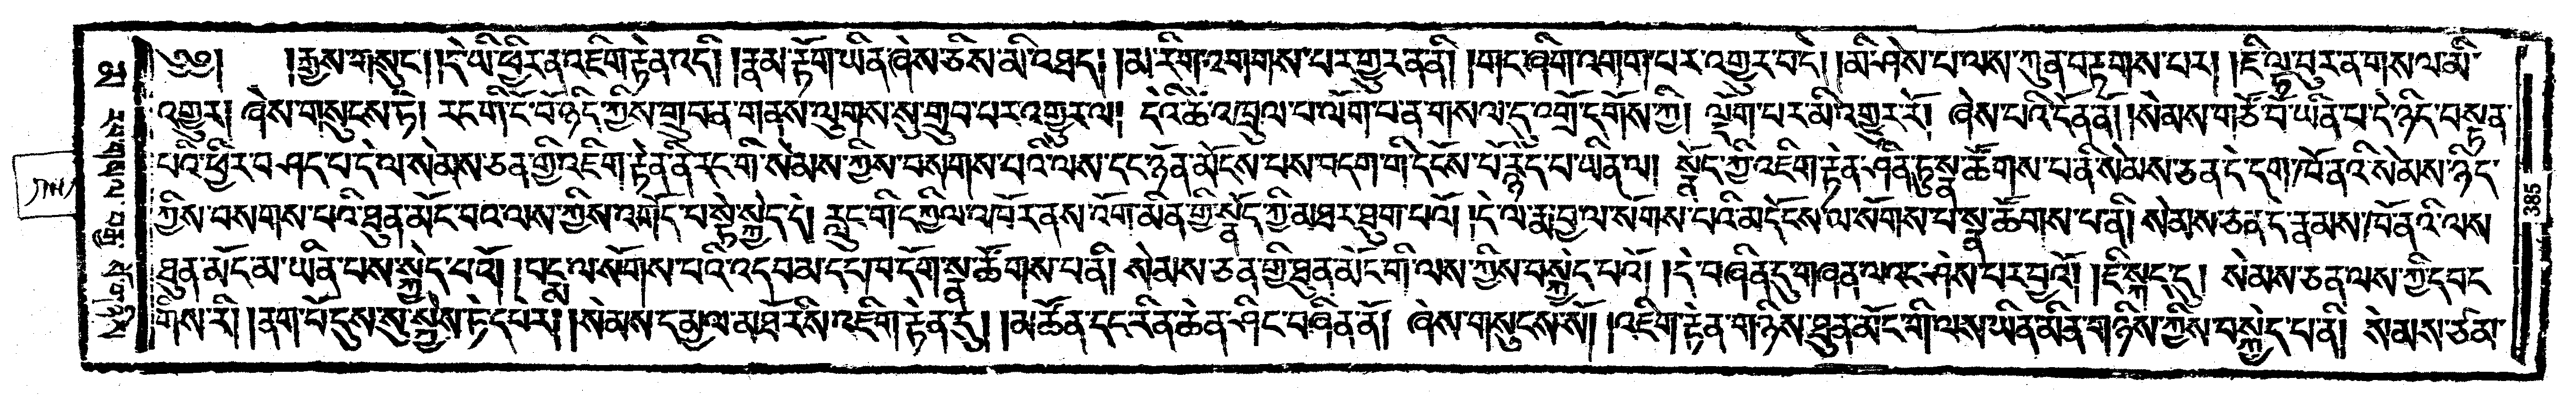༄༅། །རྒྱས་གསུང་། །དེ་ཡི་ཕྱིར་ན་འཇིག་རྟེན་འདི། །རྣམ་རྟོག་ཡིན་ཞེས་ཅིས་མི་འཐད། །མ་རིག་འགགས་པར་གྱུར་ན་ནི། །གང་ཞིག་འགག་པར་འགྱུར་བ་དེ། །མི་ཤེས་པ་ལས་ཀུན་བརྟགས་པར། །ཇི་ལྟ་བུར་ན་གསལ་མི་
གྱུར། ཞེས་གསུངས་ཏེ། རང་གི་ངོ་བོ་ཉིད་ཀྱིས་གྲུབ་ན་གནས་ལུགས་སུ་གྲུབ་པར་འགྱུར་ལ། དེའི་ཚེ་འཁྲུལ་པ་ལོག་པ་ན་གསལ་དུ་འགྲོ་དགོས་ཀྱི། ལྡོག་པར་མི་འགྱུར་རོ། ཞེས་པའི་དོན་ནོ། །སེམས་གཙོ་བོ་ཡིན་པ་དེ་ཉིད་བསྟན་
པའི་ཕྱིར་བཤད་པ་དེ་ལ་སེམས་ཅན་གྱི་འཇིག་རྟེན་ནི་རང་གི་སེམས་ཀྱིས་བསགས་པའི་ལས་དང་ཉོན་མོངས་པས་བདག་གི་དངོས་པོ་རྙེད་པ་ཡིན་ལ། སྣོད་ཀྱི་འཇིག་རྟེན་ཤིན་ཏུ་སྣ་ཚོགས་པ་ནི་སེམས་ཅན་དེ་དག་ཁོ་ནའི་སེམས་ཉིད་
ཀྱིས་བསགས་པའི་ཐུན་མོང་བའི་ལས་ཀྱིས་འགོད་པ་སྟེ་སྐྱེད་དེ། རླུང་གི་དཀྱིལ་འཁོར་ནས་འོག་མིན་གྱི་སྣོད་ཀྱི་མཐར་ཐུག་པའོ། །དེ་ལ་རྨ་བྱ་ལ་སོགས་པའི་མདོངས་ལ་སོགས་པ་སྣ་ཚོགས་པ་ནི། སེམས་ཅན་དེ་རྣམས་ཁོ་ནའི་ལས་
ཐུན་མོང་མ་ཡིན་པས་སྐྱེད་པའོ། །པདྨ་ལ་སོགས་པའི་འདབ་མ་དང་ཁ་དོག་སྣ་ཚོགས་པ་ནི། སེམས་ཅན་གྱི་ཐུན་མོང་གི་ལས་ཀྱིས་བསྐྱེད་པའོ། །དེ་བཞིན་དུ་གཞན་ལའང་ཤེས་པར་བྱའོ། །ཇི་སྐད་དུ། སེམས་ཅན་ལས་ཀྱི་དབང་
གིས་རི། །ནག་པོའི་དུས་སུ་སྐྱེས་ཏེ་དཔེར། །སེམས་དམྱལ་མཐོ་རིས་འཇིག་རྟེན་དུ། །མཚོན་དང་རིན་ཆེན་ཤིང་བཞིན་ནོ། ཞེས་གསུངས་སོ། །འཇིག་རྟེན་གཉིས་ཐུན་མོང་གི་ལས་ཡིན་མིན་གཉིས་ཀྱིས་བསྐྱེད་པ་ནི། སེམས་ཙམ་